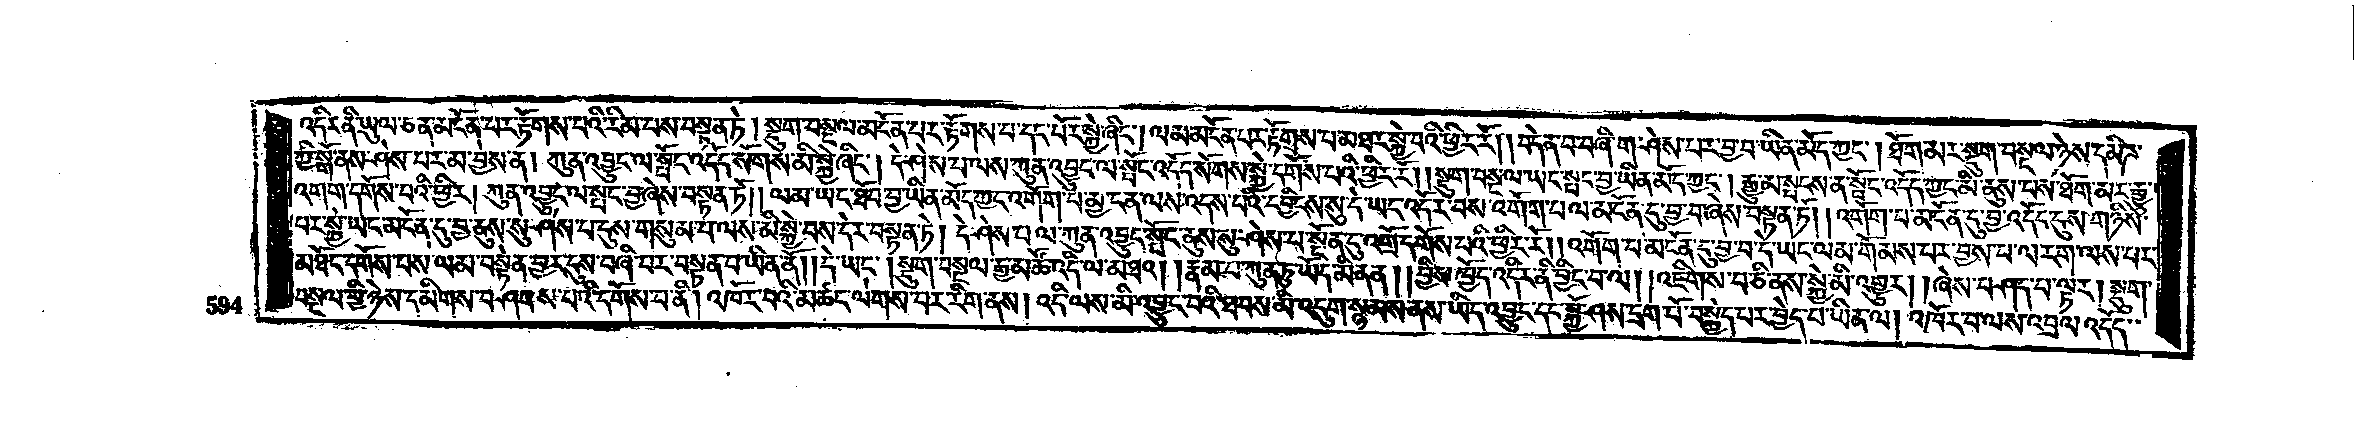འདིར་ནི་ཡུལ་ཅན་མངོན་པར་རྟོགས་པའི་རིམ་པས་བསྟན་ཏེ། སྡུག་བསྔལ་མངོན་པར་རྟོགས་པ་དང་པོར་སྐྱེ་ཞིང་། ལམ་མངོན་པར་རྟོགས་པ་མཐར་སྐྱེ་བའི་ཕྱིར་རོ། །བདེན་པ་བཞི་ག་ཤེས་པར་བྱ་བ་ཡིན་མོད་ཀྱང་། ཐོག་མར་སྡུག་བསྔལ་ཉེས་དམིགས་
ཀྱི་སྒོ་ནས་ཤེས་པར་མ་བྱེས་ན། ཀུན་འབྱུང་ལ་སྤོང་འདོད་སོགས་མི་སྐྱེ་ཞིང་། དེ་ཤེས་པ་ལས་ཀུན་འབྱུང་ལ་སྤོང་འདོད་སོགས་ཀྱེ་དགོས་པའི་ཕྱིར་རོ། །སྡུག་བསྔལ་ཡང་སྤང་བྱ་ཡིན་མོད་ཀྱང་། རྒྱུ་མ་སྤངས་ན་སྤོང་འདོད་ཀྱང་མི་ནུས་པས་ཐོག་མར་རྒྱུ་
འགག་དགོས་པའི་ཕྱིར། ཀུན་འབྱུང་ལ་སྤང་བྱ་ཞེས་བསྟན་ཏོ། །ལམ་ཡང་ཐོབ་བྱ་ཡིན་མོད་ཀྱང་འགོག་པ་མྱ་ངན་ལས་འདས་པའི་དབྱིངས་སུ་དེ་ཡང་འདོར་པས་འགོག་པ་ལ་མངོན་དུ་བྱ་བ་ཞེས་བསྟན་ཏོ། །འགོག་པ་མངོན་དུ་བྱ་བ་འདོད་དུས་གཉིས་
པར་སྐྱེ་ཡང་མངོན་དུ་བྱ་ནུས་སུ་ཤེས་པ་དུས་གསུམ་པ་ལས་མི་སྐྱེ་བས་དེར་བསྟན་ཏེ། དེ་ཤེས་པ་ལ་ཀུན་འབྱུང་སྤོང་ནུས་སུ་ཤེས་པ་སྔོན་དུ་འགྲོ་དགོས་པའི་ཕྱིར་རོ། །འགོག་པ་མངོན་དུ་བྱ་བ་དེ་ཡང་ལམ་གོམས་པར་བྱས་པ་ལ་རག་ལས་པར་
མཐོང་དགོས་པས་ལམ་བསྟེན་བྱར་དུས་བཞི་པར་བསྟན་པ་ཡིན་ནོ། །དེ་ཡང་། སྡུག་བསྔལ་རྒྱ་མཚོ་འདི་ལ་མཐའ། །རྣམ་པ་ཀུན་ཏུ་ཡོད་མིན་ན། །བྱིས་ཁྱོད་འདིར་ནི་བྱིང་བ་ལ། །འཇིགས་པ་ཅི་ནས་སྐྱེ་མི་འགྱུར། །ཞེས་བཤད་པ་ལྟར། སྡུག་
བསྔལ་གྱི་ཉེས་དམིགས་བཤགས་པའི་དགོས་པ་ནི། འཁོར་བའི་མཚང་ལེགས་པར་རིག་ནས། འདི་ལས་མི་འབྱུང་བའི་ཐབས་མི་འདུག་སྙམས་ནས་ཡིད་འབྱུང་དང་སྐྱོ་ཤས་དྲག་པོ་བསྐྱེད་པར་བྱེད་པ་ཡིན་ལ། འཁོར་བ་ལས་འབྲལ་འདོད་